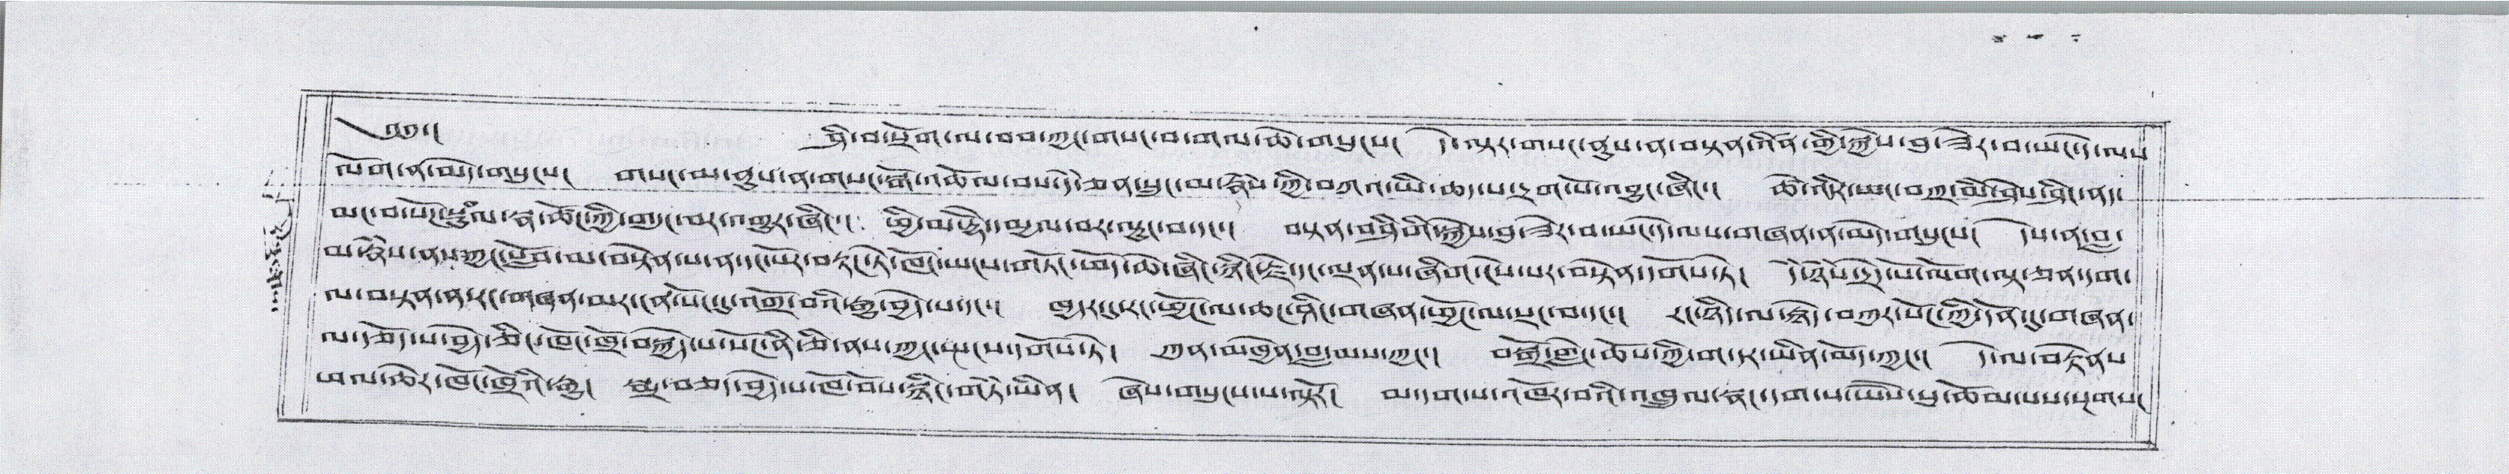ཤི་བ་སྲོག་ལ་བབས་ཀྱང་གསང་བ་གལ་ཆེ་གསུངས། དེ་ལྟར་གསང་ནུས་ན་བསྟན་འཛིན་གྱི་སྐྱེས་བུ་ཟེར་བ་ཡང་དེ་ལས་
ལོག་ན་མེད་གསུངས། གསང་མ་ནུས་ན་གསང་སྒོ་འཆོལ་བས་དམ་ཅན་སྲུང་མ་རྣམས་ཀྱི་བཀའ་ཡི་ཆད་པ་དྲག་པོ་འབྱུང་ཞིང་། ཚེ་འདིར་ཡང་བཀྲ་མི་ཤིས་ཤིང་ནད་
མང་བ་ལ་སོགས་སྡུག་བསྔལ་སྣ་ཚོགས་ཀྱིས་གདུང་བར་འགྱུར་ཞིང་། ཕྱི་མ་རྡོ་རྗེ་དམྱལ་བར་ལྟུང་བ་དང་། བསྟན་བཤིག་གི་སྐྱེས་བུ་ཟེར་བ་ཡང་དེ་ལས་གཞན་ན་མེད་གསུངས། དེས་ན་བླ་
མ་རྣམས་ཀྱིས་ཀྱང་སློབ་མ་བསྟེན་པ་ན་དང་པོར་བརྟགས་ཏེ་ཁོང་ཡངས་པའི་གཏོང་ཕོད་ཆེ་ཞིང་སྙིང་རྗེ་དང་ལྡན་པ་ཞིག་ངེས་པར་བསྟེན་དགོས་ཏེ། དམ་ཉམས་དྲེད་པོ་ལོག་ལྟ་ཅན་དག་
ལ་བསྟེན་ན་རང་གཞན་མར་ངན་སོང་དུ་འགྲོ་བའི་རྒྱུ་བྱེད་པ་དང་། ཁྱད་པར་དུ་རང་ཕྱོགས་ལ་ཆགས་ཤིང་གཞན་ཕྱོགས་ལ་སྡང་བ་དང་། རང་ཉིད་ལ་རྙེད་བཀུར་སོགས་ཀྱི་དོན་དུ་གཞན་
ལ་རྕོད་པ་བྱེད་ཅིང་ཁོང་ཁྲོ་བསྐྱེད་པ་སོགས་ནི་ཅི་ནས་ཀྱང་སྤང་དགོས་ཏེ། ཀུན་མཁྱེན་བླ་མས་ཀྱང་། བགྲོ་གླེང་ཆོས་ཀྱི་ག་དར་ཡིན་མོད་ཀྱང་། དེ་ལ་བརྟེན་ནས་
ཕལ་ཆེར་ཁོང་ཁྲོའི་རྒྱུ། སྨྲ་བཅད་བྱེད་པ་ཁོ་བོས་སྙིང་གཏམ་ཡིན། ཞེས་གསུངས་པ་ལྟར་རོ། མ་དག་པ་འཁོར་བའི་འཁྲུལ་སྣང་དག་པ་ཡེ་ཤེས་སུ་ཆོམ་པས་སྔགས།